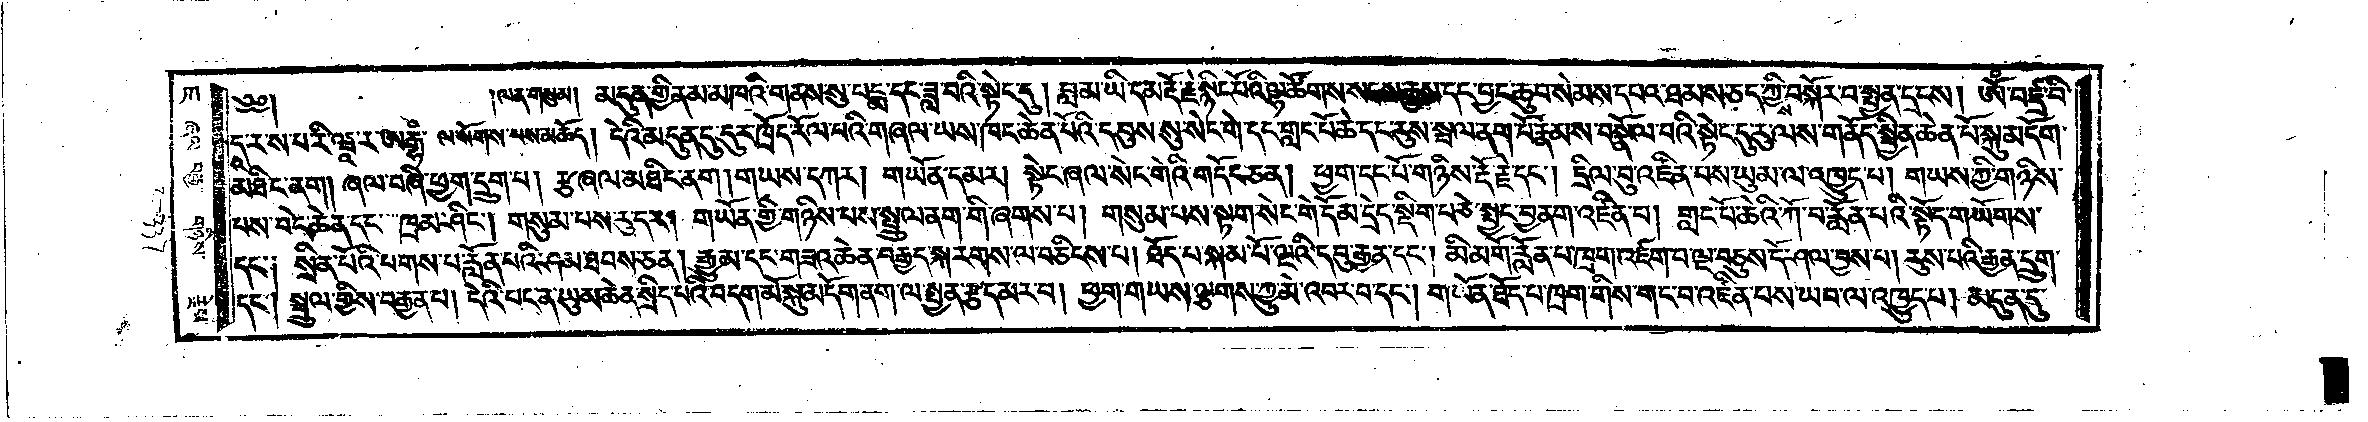༄༅། །ལན་གསུམ།  མདུན་གྱི་ནམ་མཁའི་གནས་སུ་པདམ་དང་ཟླ་བའི་སྟེང་དུ། བླ་མ་ཡི་དམ་རྡོ་རྗེ་སྙིང་པོའི་ལྷ་ཚོགས་སངས་རྒྱས་དང་བྱང་ཆུབ་སེམས་དཔའ་ཐམས་ཅད་ཀྱིས་བསྐོར་པ་སྤྱན་དྲངས། ཨོཾ་བཛྲ་བི་
དར་ས་བ་རི་ཝཱ་ར་ཨརྒྷཾ་ལ་སོགས་པས་མཆོད།  དེའི་མདུན་དུ་དུར་ཁྲོད་རོལ་པའི་གཞལ་ཡས་ཁང་ཆེན་པོའི་དབུས་སུ་སེང་གེ་དང་གླང་པོ་ཆེ་དང་རུས་སྦལ་ནག་པོ་རྣམས་བསྣོལ་བའི་སྟེང་དུ་རུ་ལས་གནོད་སྦྱིན་ཆེན་པོ་སྐུ་མདོག་
མཐིང་ནག །ཞལ་བཞི་ཕྱག་དྲུག་པ། རྩ་ཞལ་མཐིང་ནག ། གཡས་དཀར། གཡོན་དམར། སྟེང་ཞལ་སེང་གེའི་གདོང་ཅན། ཕྱག་དང་པོ་གཉིས་རྡོ་རྗེ་དང་། དྲིལ་བུ་འཛིན་པས་ཡུམ་ལ་འཁྱུད་པ། གཡས་ཀྱི་གཉིས་
པས་བེང་ཆེན་དང་ཁྲམ་ཤིང་། གསུམ་པས་རུ་དར། གཡོན་གྱི་གཉིས་པས་སྤྲུལ་ནག་གི་ཞགས་པ། གསུམ་པས་སྟག་སེང་གེ་དོམ་དྲེད་སྡིག་པ་ཅེ་སྤྱང་བྱ་ནག་འཛིན་བ། གླང་པོ་ཆེའི་ཀོ་བ་རློན་པའི་སྟོད་གཡོགས་
དང་། སྲིན་པོའི་པགས་པ་རློན་པའི་ཤམ་ཐབས་ཅན། རྒྱུ་མ་དང་གཟའ་ཆེན་བརྒྱད་སྐ་རགས་ལ་བཅིངས་པ། ཐོད་པ་སྐམ་པོ་ལྔའི་དབུ་རྒྱན་དང་། མི་མགོ་རློན་པ་ཁྲག་འཛག་པ་ལྔ་བཅུས་དོ་ཤལ་བྱས་བ། རུས་པའི་རྒྱན་དྲུག་
དང་། སྦྲུལ་གྱིས་བརྒྱན་པ། དེའི་པང་ན་ཡུམ་ཆེན་སྲིད་པའི་བདག་མོ་སྐུ་མདོག་ནག་ལ་སྤྱན་རྩ་དམར་བ། ཕྱག་གཡས་ལྕགས་ཀྱུ་མེ་འབར་བ་དང་། གཡོན་ཐོད་པ་ཁྲག་གིས་གང་བ་འཛིན་པས་ཡབ་ལ་འཁྱུད་པ། མདུན་དུ་